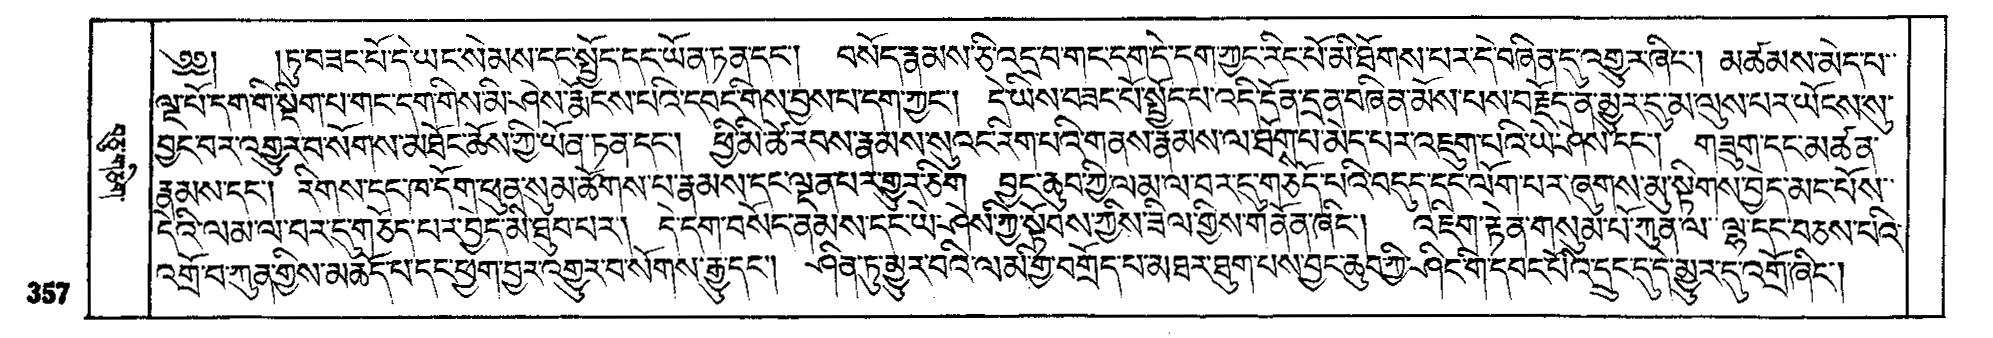༄༅། །ཏུ་བཟང་པོ་དེ་ཡང་སེམས་དང་སྤྱོད་དང་ཡོན་ཏན་དང་། བསོད་རྣམས་ཅི་འདྲ་བ་གང་དག་དེ་དག་ཀྱང་རིང་པོ་མི་ཐོགས་པར་དེ་བཞིན་དུ་འགྱུར་ཞིང་། མཚམས་མེད་པ་
ལྔ་པོ་དག་གི་སྡིག་པ་གང་དག་གིས་མི་ཤེས་རྨོངས་པའི་དབང་གིས་བྱས་པ་དག་ཀྱང་། དེ་ཡིས་བཟང་པོ་སྤྱོད་པ་འདི་དོན་དྲན་བཞིན་མོས་པས་བརྗོད་ན་མྱུར་དུ་མ་ལུས་པར་ཡོངས་སུ་
བྱང་བར་འགྱུར་བ་སོགས་མཐོང་ཆོས་ཀྱི་ཡོན་ཏན་དང་། ཕྱི་མི་ཚེ་རབས་རྣམས་སུའང་རིག་པའི་གནས་རྣམས་ལ་ཐོགས་པ་མེད་པར་འཇུག་པའི་ཡེ་ཤེས་དང་། གཟུག་དང་མཚན་
རྣམས་དང་། རིགས་དང་ཁ་དོག་ཕུན་སུམ་ཚོགས་པ་རྣམས་དང་ལྡན་པར་གྱུར་ཅིག་བྱང་ཆུབ་ཀྱི་ལམ་ལ་བར་དུ་གཅོད་པའི་བདུད་དང་ལོག་པར་ཞུགས་མུ་སྟིགས་བྱེད་མང་པོས་
དེའི་ལམ་ལ་བར་དུ་གཅོད་པར་བྱེད་མི་ཐུབ་པར། དེ་དག་བསོད་རྣམས་དང་ཡེ་ཤེས་ཀྱི་སྟོབས་ཀྱིས་ཟིལ་གྱིས་གནོན་ཞིང་། འཇིག་རྟེན་གསུམ་པོ་ཀུན་ལ་ལྷ་དང་བཅས་པའི་
འགྲོ་བ་ཀུན་གྱིས་མཆོད་པ་དང་ཕྱག་བྱར་འགྱུར་བ་སོགས་རྒྱུ་དང་། ཤིན་ཏུ་མྱུར་བའི་ལམ་གྱི་བགྲོད་པ་མཐར་ཐུགས་པས་བྱང་ཆུབ་ཀྱི་ཤིང་གི་དབང་པོའི་དྲུང་དུ་དེ་མྱུར་དུ་འགྲོ་ཞིང་།